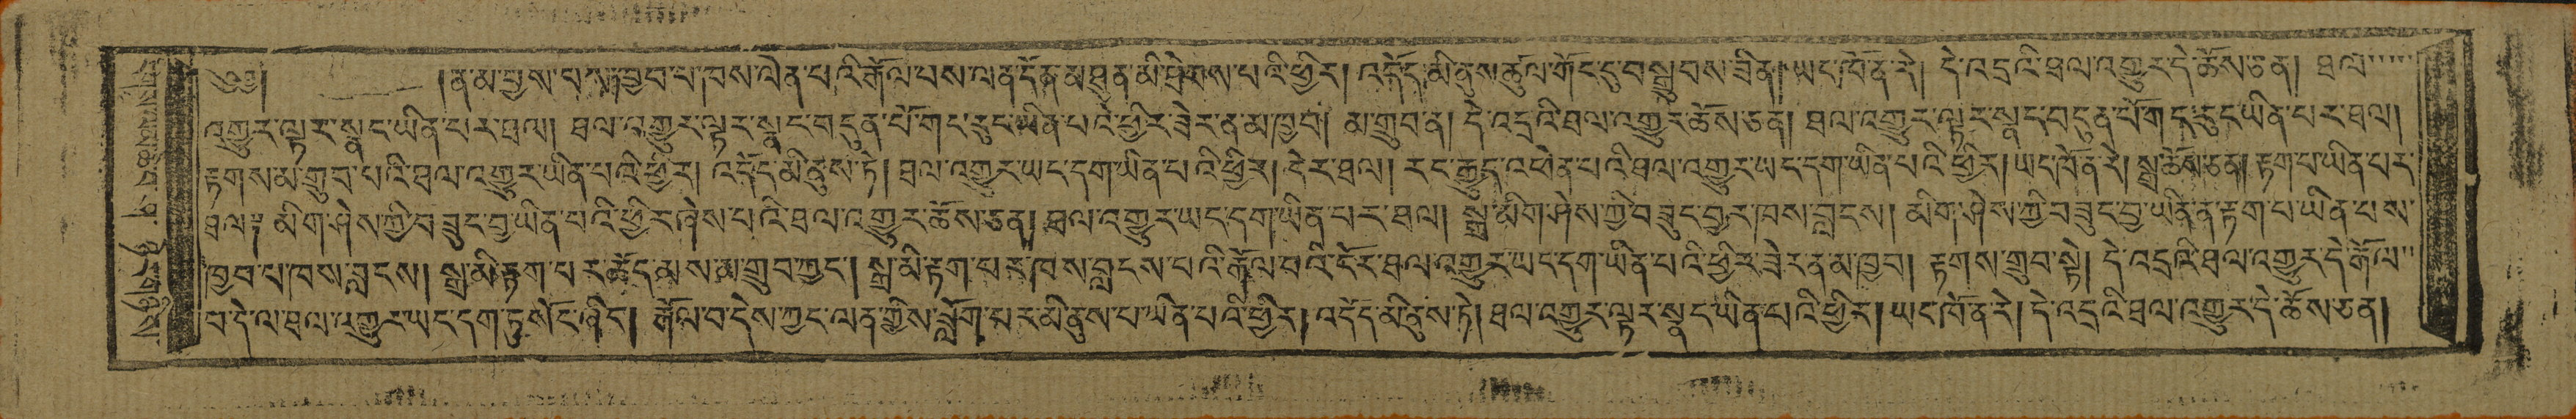༄༅། །ན་མ་བྱས་པས་ཁྱབ་པ་ཁས་ལེན་པའི་རྒོལ་བས་ལན་དོན་མཐུན་མི་ཐེབས་པའི་ཕྱིར། འདོད་མི་ནུས་ཚུལ་གོང་དུ་བསྒྲུབས་ཟིན། ཡང་ཁོ་ན་རེ། དེ་འདྲའི་ཐལ་འགྱུར་དེ་ཆོས་ཅན། ཐལ་
འགྱུར་ལྟར་སྣང་ཡིན་པར་ཐལ། ཐལ་འགྱུར་ལྟར་སྣང་བདུན་པོ་གང་རུང་ཡིན་པའི་ཕྱིར་ཟེར་ན་མ་ཁྱབ། མ་གྲུབ་ན། དེ་འདྲའི་ཐལ་འགྱུར་ཆོས་ཅན། ཐལ་འགྱུར་ལྟར་སྣང་བདུན་པོ་གང་རུང་ཡིན་པར་ཐལ།
རྟགས་མ་གྲུབ་པའི་ཐལ་འགྱུར་ཡིན་པའི་ཕྱིར། འདོད་མི་ནུས་ཏེ། ཐལ་འགྱུར་ཡང་དག་ཡིན་པའི་ཕྱིར། དེར་ཐལ། རང་རྒྱུད་འཕེན་པའི་ཐལ་འགྱུར་ཡང་དག་ཡིན་པའི་ཕྱིར། ཡང་ཁོ་ན་རེ། སྒྲ་ཆོས་ཅན། རྟག་པ་ཡིན་པར་
ཐལ༑ མིག་ཤེས་ཀྱི་བཟུང་བྱ་ཡིན་པའི་ཕྱིར་ཞེས་པའི་ཐལ་འགྱུར་ཆོས་ཅན། ཐལ་འགྱུར་ཡང་དག་ཡིན་པར་ཐལ། སྒྲ་མིག་ཤེས་ཀྱི་བཟུང་བྱར་ཁས་བླངས། མིག་ཤེས་ཀྱི་བཟུང་བྱ་ཡིན་ན་རྟག་པ་ཡིན་པས་
ཁྱབ་པ་ཁས་བླངས། སྒྲ་མི་རྟག་པར་ཚོད་མས་མ་གྲུབ་ཀྱང་། སྒྲ་མི་རྟག་པར་ཁས་བླངས་པའི་རྒོལ་བའི་ངོར་ཐལ་འགྱུར་ཡང་དག་ཡིན་པའི་ཕྱིར་ཟེར་ན་མ་ཁྱབ། རྟགས་གྲུབ་སྟེ། དེ་འདྲའི་ཐལ་འགྱུར་དེ་རྒོལ་
པ་དེ་ལ་ཐལ་འགྱུར་ཡང་དག་ཏུ་སོང་ཞིང་། རྒོལ་བ་དེས་ཀྱང་ལན་གྱིས་ཟློག་པར་མི་ནུས་པ་ཡིན་པའི་ཕྱིར། འདོད་མི་ནུས་ཏེ། ཐལ་འགྱུར་ལྟར་སྣང་ཡིན་པའི་ཕྱིར། ཡང་ཁོ་ན་རེ། དེ་འདྲའི་ཐལ་འགྱུར་དེ་ཆོས་ཅན།